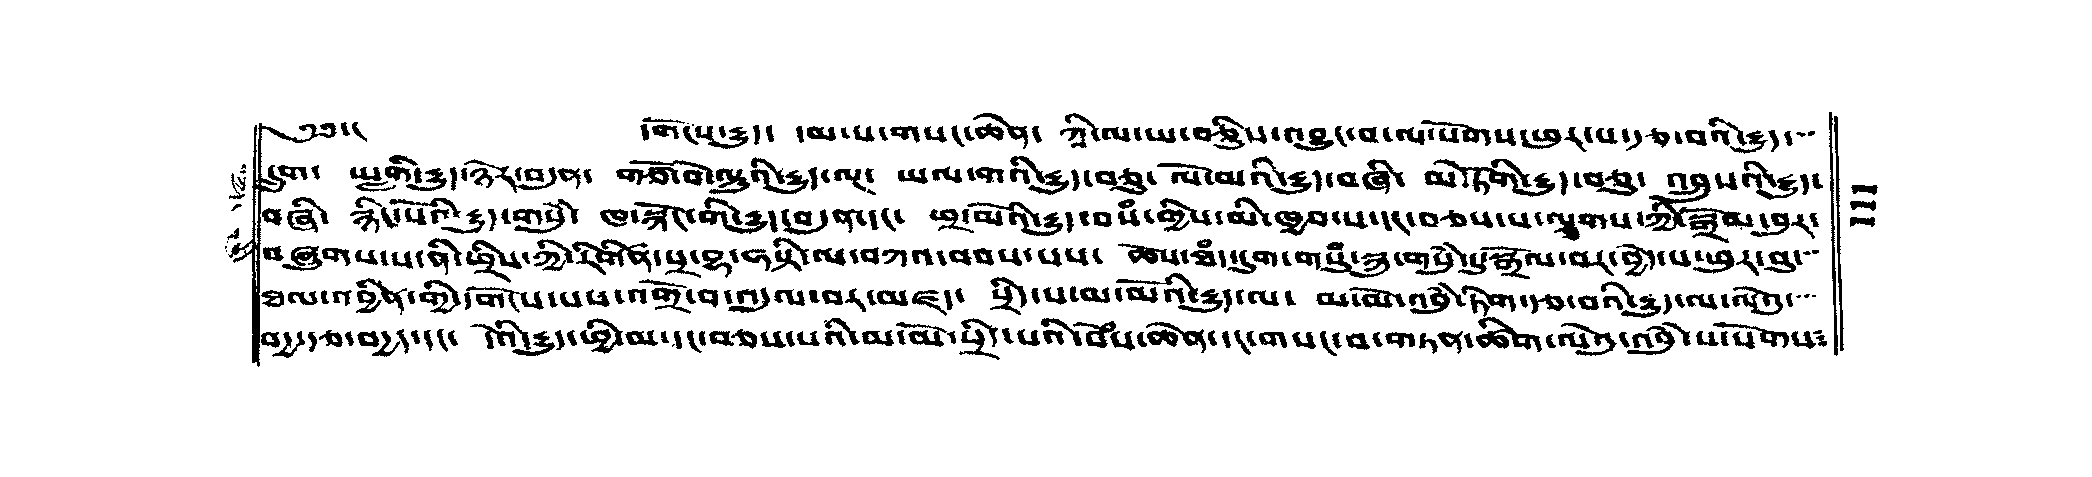དགོངས་རྒྱུད།དམ་པ་གསང་ཆེན། ཀཱི་ལ་ཡ་བཅུ་གཉིས་འབྱུང་བ་ལ་སོགས་ཕུར་པ་རྩ་བའི་རྒྱུད་
དྲུག ཡན་ལག་གི་རྒྱུད་ཉེར་བདུན། གཙོ་བོ་ལྟ་བུའི་རྒྱུད་ལྔ། ཡལ་གིའི་རྒྱུད་བཅུ། ལོ་མའི་རྒྱུད་བཞི། མེ་ཏོག་གི་རྒྱུད་བཅུ། འབྲས་བུའི་རྒྱུད་
བཞི། སྙིང་པོའི་རྒྱུད་གསུམ། ཁ་སྐོང་གི་རྒྱུད་བདུན། ཕྲ་མོའི་རྒྱུད་བསམ་གྱིས་མི་ཁྱབ་པ་དང་བཅས་པ་ལྕགས་ཀྱི་སྒྲོམ་བུར་
བཞུགས་པ་ནི་ཕྲིན་ལས་ཀྱི་རིག་འཛིན་པྲ་བྷ་ཧསྟི་ལ་བཀའ་བབས་པས། ཆོས་ཐམས་ཅད་དུག་གསུམ་སྐུ་གསུམ་དུ་སྒྲོལ་བར་བྱེད་པ་ཕུར་བུ་
ཐལ་འབྱིན་གྱི་དགོངས་པས་འགྲོ་བ་འདུལ་བར་མཛད། སྲིད་པ་མ་མོའི་རྒྱུད་ལ། མ་མོ་འབུམ་ཏིག་རྩ་བའི་རྒྱུད་ལ་ལེའུ་
བརྒྱ་རྩ་བརྒྱད་དང་། དེའི་རྒྱུད་ཕྱི་མ་དང་བཅས་པའི་མ་མོ་སྲིད་པའི་སེམས་ཆེན་དང་གསང་བ་གཏན་ཚིག་ལེའུ་འབུམ་པ་སོགས་